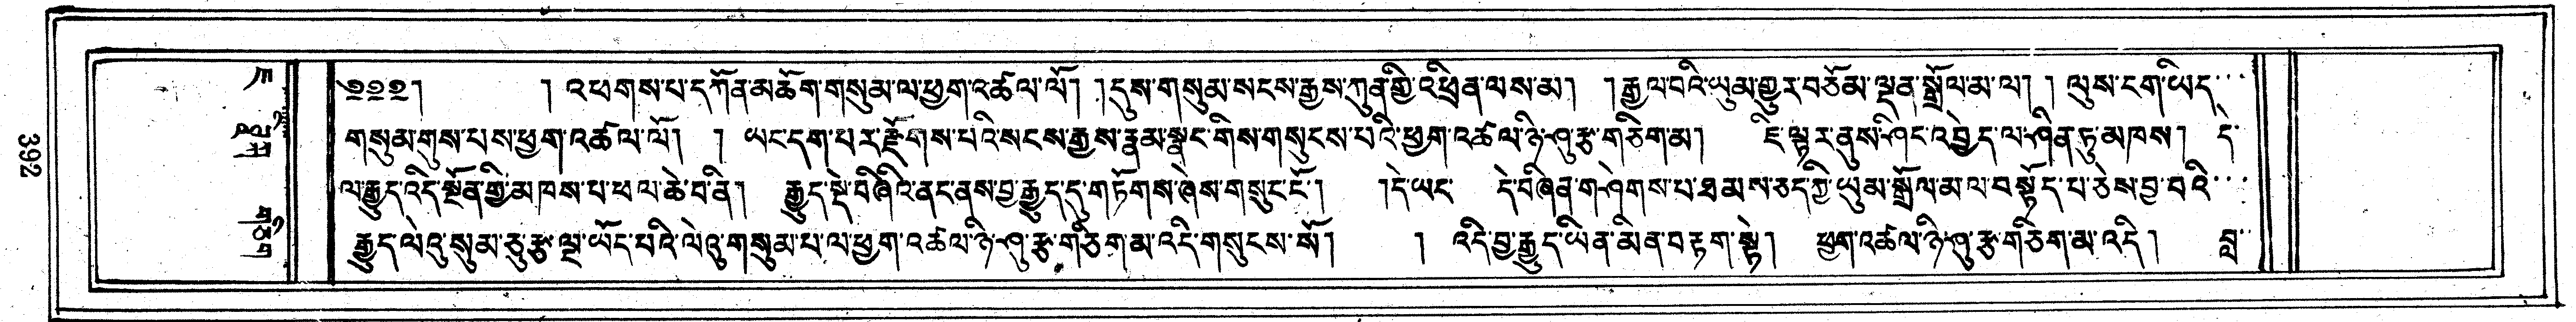༄༅༅། །འཕགས་པ་དཀོན་མཆོག་གསུམ་ལ་ཕྱག་འཚལ་ལོ། །དུས་གསུམ་སངས་རྒྱས་ཀུན་གྱི་འཕྲིན་ལས་མ། །རྒྱལ་བའི་ཡུམ་གྱུར་བཅོམ་ལྡན་སྒྲོལ་མ་ལ། །ལུས་ངག་ཡིད་
གསུམ་གུས་པས་ཕྱག་འཚལ་ལོ། །ཡང་དག་པར་རྫོགས་པའི་སངས་རྒྱས་རྣམ་སྣང་གིས་གསུངས་པའི་ཕྱག་འཚལ་ཉི་ཤུ་རྩ་གཅིག་མ། ཇི་ལྟར་ནུས་ཤིང་འབྱེད་ལ་ཤིན་ཏུ་མཁས། དེ་
ལ་རྒྱུད་འདི་སྔོན་གྱི་མཁས་པ་ཕལ་ཆེ་བ་ནི། རྒྱུད་སྡེ་བཞིའི་ནང་ནས་བྱ་རྒྱུད་དུ་གཏོགས་ཞེས་གསུང་ངོ། །དེ་ཡང་དེ་བཞིན་གཤེགས་པ་ཐམས་ཅད་ཀྱི་ཡུམ་སྒྲོལ་མ་ལ་བསྟོད་པ་ཅེས་བྱ་བའི་
རྒྱུད་ལེའུ་སུམ་ཅུ་རྩ་ལྔ་ཡོད་པའི་ལེའུ་གསུམ་པ་ལ་ཕྱག་འཚལ་ཉི་ཤུ་རྩ་གཅིག་མ་འདི་གསུངས་སོ། །འདི་བྱ་རྒྱུད་ཡིན་མིན་བརྟག་སྟེ། ཕྱག་འཚལ་ཉི་ཤུ་རྩ་གཅིག་མ་འདི། བླ་